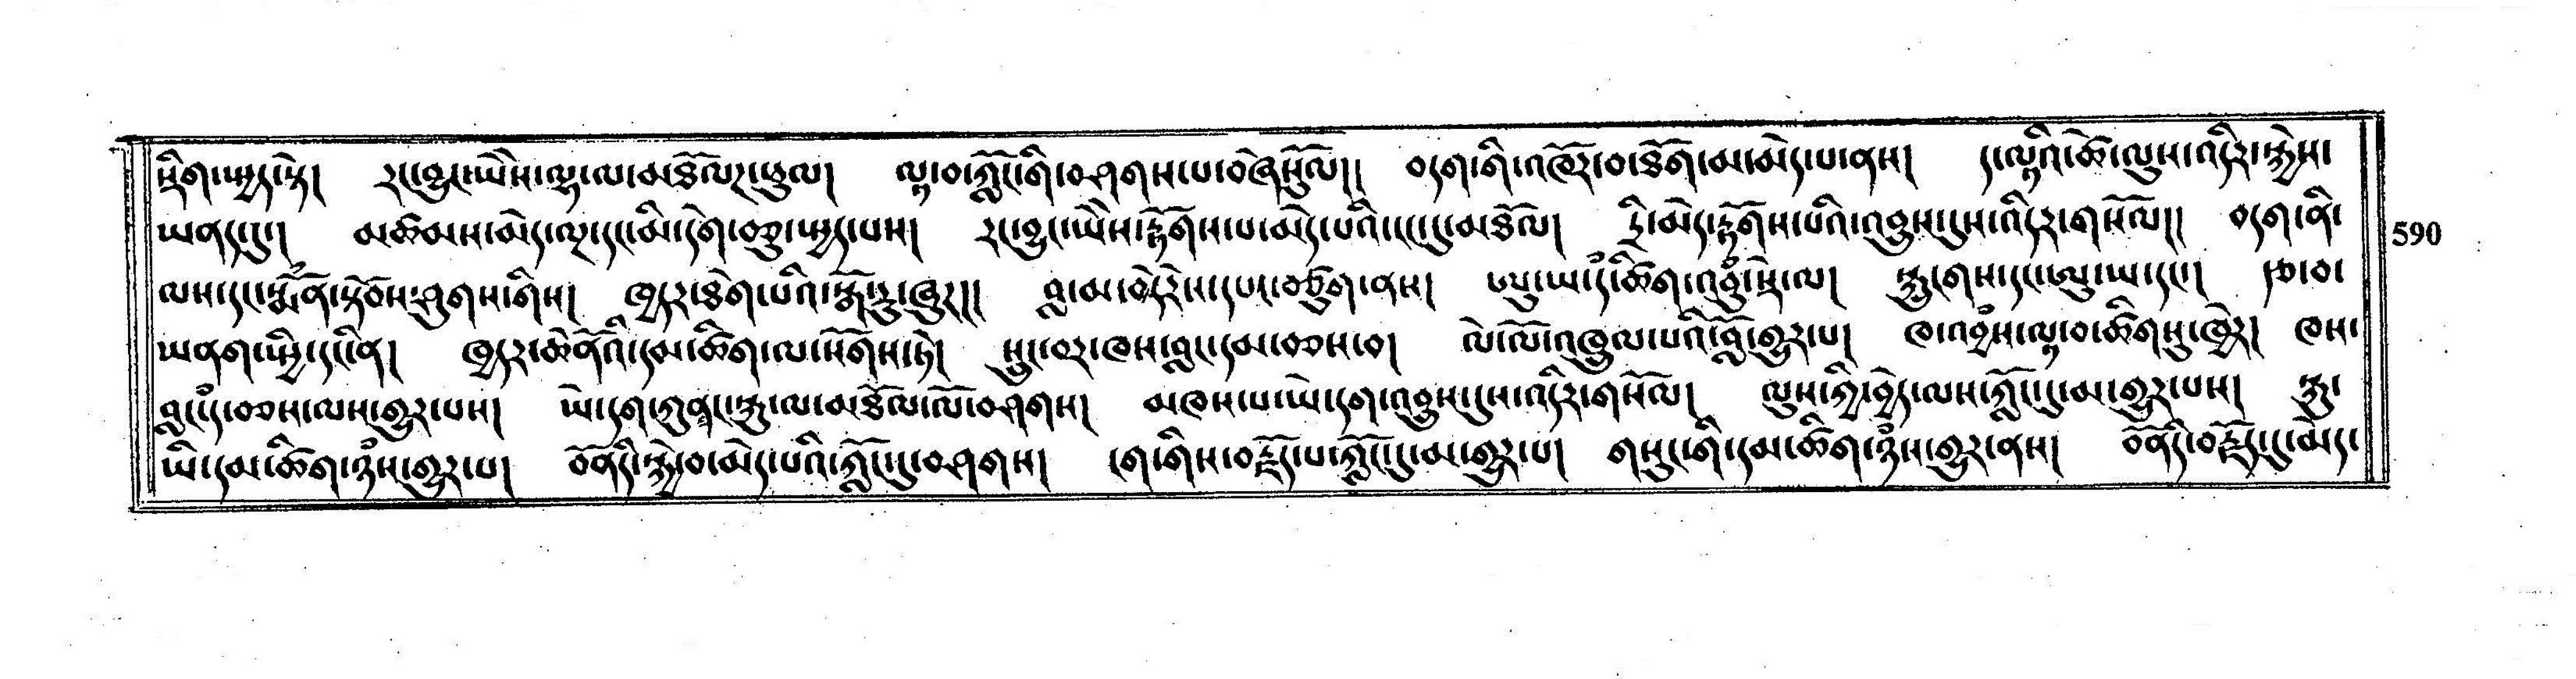སྡིག་སྤྱད་སྟེ། རང་བྱུང་ཡེ་ཤེས་ལྷ་ལ་མཐོལ་ལོ་བཤགས་ཕུལ། ལྟ་བ་ཀློང་གི་བཤགས་པ་བཞེས་སུ་གསོལ།། བདག་གི་འཁོར་བ་ཐོག་མ་མེད་པ་ནས། ད་ལྟའི་ཚེ་ལུས་འདིར་སྐྱེས་
ཡན་ཆད་དུ། མཚམས་མེད་ལྔ་དང་མི་དགེ་བཅུ་སྤྱད་པས། རང་བྱུང་ཡེ་ཤེས་རྟོགས་པ་མེད་པའི་ངང་དུ་མཐོལ། དྲི་མེད་རྟོགས་པའི་འབྲས་བུ་དུས་འདིར་གསོལ།། བདག་ནི་
ལས་དང་སྨོན་ལམ་སྟོབས་ཤུགས་གིས། ཁྱད་པར་ཐེག་པའི་སྒོ་རུ་ཞུགས།། བླ་མ་བདེར་གཤེགས་དཔང་བཙུག་ནས། ཨུ་ཡ་དམ་ཚིག་འབུམ་སྡེ་ལ། སྐུ་གསུང་ཐུགས་དང་ཨུ་ཡ་དང་། རྩ་བ་
ཡན་ལག་སྤྱི་དང་ནི། ཁྱད་པར་ཆེན་པོའི་དམ་ཚིག་ལ་སོགས་ཏེ། སྲུང་བར་ཁས་བླང་དམ་བཅས་བ། ལེ་ལོ་འཁྲུལ་པའི་བློ་གྱུར་པ། ཁ་འབྱམས་ལྟ་བ་ཚིགས་སུ་ཁྱེར། ཁས་
བླང་དམ་བཅས་ལས་གྱུར་པས། ཡེ་དག་ཀུན་བཟང་སྐུ་ལ་མཐོལ་ལོ་བཤགས། མཁས་པ་ཡེ་དག་འབྲས་བུ་དུས་འདིར་གསོལ། ལུས་ཀྱི་བྱེད་ལས་ཀློང་དུ་མ་གྱུར་པས། སྐུ་
ཡི་དམ་ཚིག་ཉམས་གྱུར་པ། བོན་ཉིད་སྐྱེ་བ་མེད་པའི་ཀློང་དུ་བཤགས། ངག་གིས་བརྗོད་པ་ཀློང་དུ་མ་གྱུར་པ། གསུང་གི་དམ་ཚིག་ཉམས་གྱུར་ནས། བོན་ཉིད་བརྗོད་དུ་མེད་